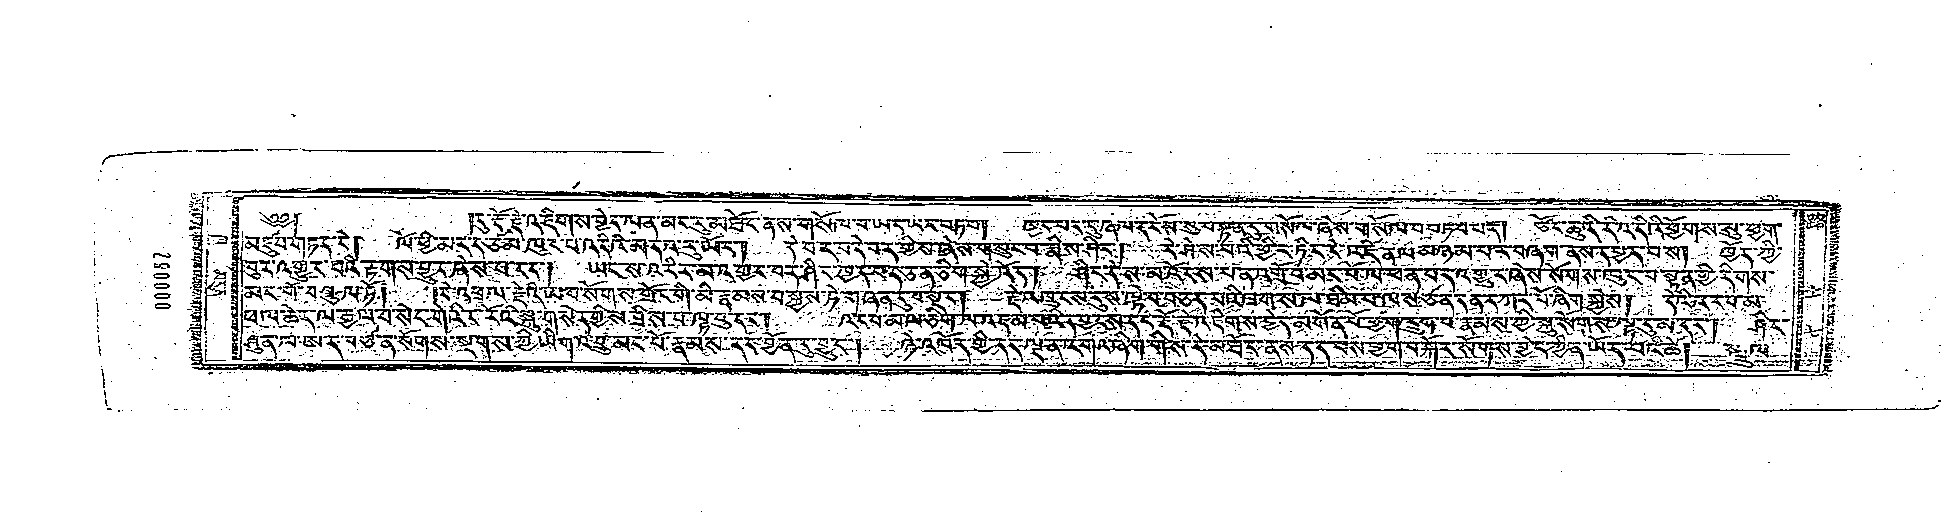༄༅། །དུ་རྡོ་རྗེ་འཇིགས་བྱེད་ལན་མང་དུ་མཐོང་ནས་གསོལ་བ་ཡང་ཡང་བཏབ། ཁྱེད་པར་དུ་ཞལ་དངོས་སུ་བསྟན་དུ་གསོལ་ཞེས་གསོལ་བ་བཏབ་པར། ཙོང་ཆུའི་རི་འདིའི་ཕྱོགས་སུ་ཕྱག་
མཛུབ་གཏད་དེ། ལོ་ཕྱི་མར་ད་ཙམ་ལུང་པ་འདིའི་མདའ་ཏུ་ཡོད། དེ་བར་བདེ་བར་གྱིས་ཞེས་གསུང་བ་རྨིས་ཤིང་། དེ་ཤེས་པའི་ཕྱིར་ཏིང་ངེ་འཛིན་ལ་མཉམ་པར་བཞག་ནས་དཔྱད་བས། ཁྱོད་ཀྱི་
བུར་འགྱུར་བའི་རྟགས་བྱུང་ཞེས་པ་དང་། ཡང་ས་འདིར་མ་འགྱང་བར་ཤིང་ཁྱད་བར་ཅན་ཅིག་སྐྱེ་འོད། ཤིང་དེས་མ་འོངས་པ་ན་འགྲོ་བ་མང་པོ་ལ་ཕན་པར་འགྱུར་ཞེས་སོགས་ཁུང་བསྟན་གྱི་རིགས་
མང་གོ་བསྩལ་ཏེ། དེ་འཕྲལ་རྗེའི་ཡབ་སོགས་གྲོང་གི་མི་རྣམས་བསྐྱས་ཏེ་གཞན་དུ་བསྡད། རྗེ་འཁྲུངས་དུས་ལྟེ་བ་བཅད་པའི་ཁྲག་ས་ལ་ཐིམ་པ་ལས་ཙན་དན་དཀར་པོ་ཞིག་སྐྱེས། དེའི་འདབ་མ་
ཕལ་ཆེར་ལ་རྒྱལ་བ་སེང་གེའི་ང་རོའི་སྐུ་གསེར་གྱིས་བྲིས་པ་ལྟ་བུ་དང་། འདབ་མལ་ཅིག་ལ་འཇམ་པའི་དབྱངས་དང་རྡོ་རྗེ་འཇིགས་བྱེད་མགོན་པོ་ཕྱག་དྲུག་པ་རྣམས་ཀྱི་སྐུ་སོགས་ལྷ་དུ་མ་དང་། ཤིང་
ཤུན་ལ་ཨ་ར་བ་ཙ་ན་སོགས་སྔགས་ཀྱི་ཡིག་འབྲུ་མང་པོ་རྣམས་རང་བྱོན་དུ་བྱུང་། ཉེ་འཁོར་གྱི་དད་ལྡན་འགའ་ཞིག་གིས་དེ་མཐོང་ནས་དད་པས་ཕྱག་བསྐོར་སོགས་བྱེད་ཀྱིན་ཡོད་བའི་ཚེ། སྤྲུལ་